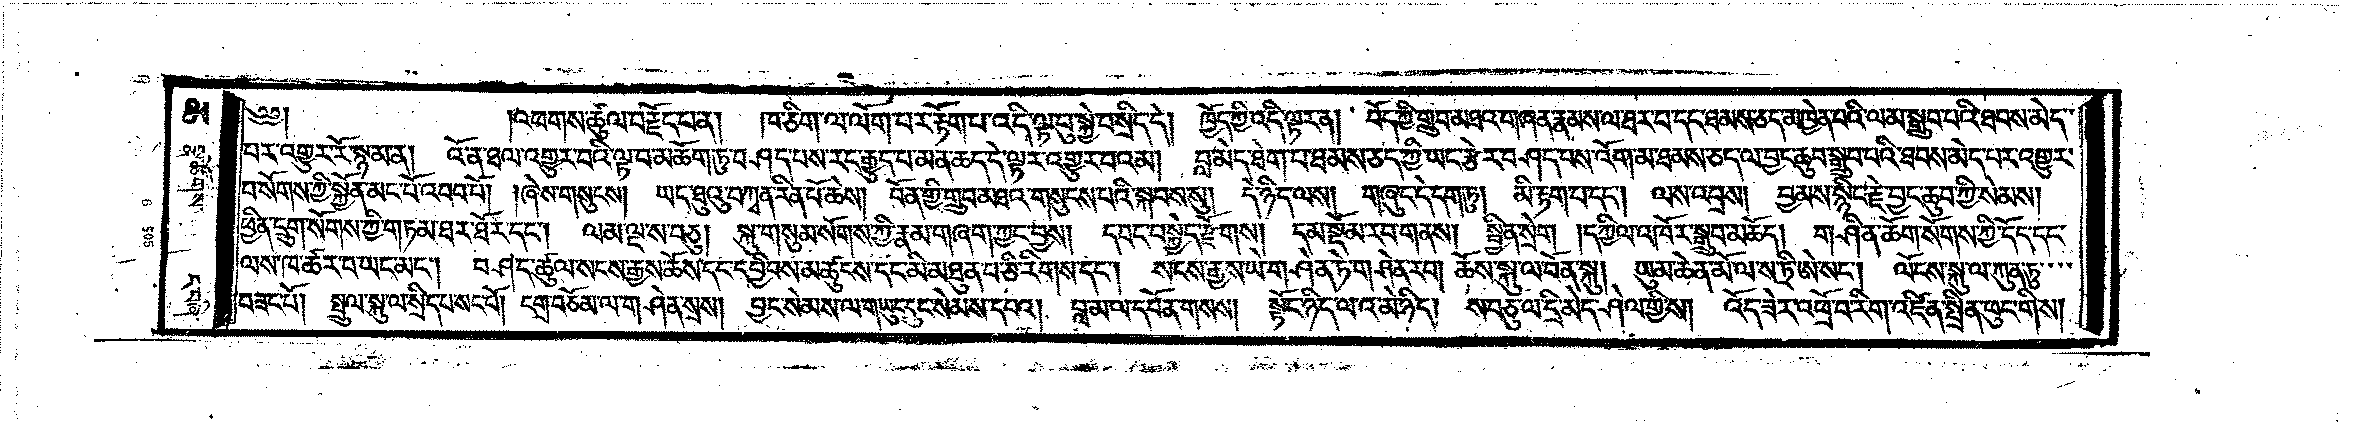༄༅། །འཕགས་ཚུལ་བརྗོད་པ་ན། ཁ་ཅིག་ལ་ལོག་པར་རྟོག་པ་འདི་ལྟ་བུ་སྐྱེ་བ་སྲིད་དེ། ཁྱོད་ཀྱི་འདི་ལྟར་ན། བོད་ཀྱི་གྲུབ་མཐའ་གཞན་རྣམས་ལ་ཐར་པ་དང་ཐམས་ཅད་མཁྱེན་པའི་ལམ་སྒྲུབ་པའི་ཐབས་མེད་
པར་འགྱུར་རོ་སྙམ་ན། འོ་ན་ཐལ་འགྱུར་བའི་ལྟ་བ་མཆོག་ཏུ་བཤད་པས་རང་རྒྱུད་པ་མན་ཆད་དེ་ལྟར་འགྱུར་བའམ། བླ་མེད་ཐེག་པ་ཐམས་ཅད་ཀྱི་ཡང་རྩེར་བཤད་པས་འོག་མ་ཐམས་ཅད་ལ་བྱང་ཆུབ་སྒྲུབ་པའི་ཐབས་མེད་པར་འགྱུར་
བ་སོགས་ཀྱི་སྐྱོན་མང་པོ་འབབ་པོ། །ཞེས་གསུངས། ཡང་ཐུའུ་བཀྭན་རིན་པོ་ཆེས། བོན་གྱི་གྲུབ་མཐའ་གསུངས་པའི་སྐབས་སུ། དེ་ཉིད་ལས། གཞུང་དེ་དག་ཏུ། མི་རྟག་པ་དང་། ལས་འབྲས། བྱམས་སྙིང་རྗེ་བྱང་ཆུབ་ཀྱི་སེམས།
ཕྱིན་དྲུག་སོགས་ཀྱི་གཏམ་ཐར་ཐོར་དང་། ལམ་ལྔ་ས་བཅུ། སྐུ་གསུམ་སོགས་ཀྱི་རྣམ་གཞག་ཀྱང་བྱས། དབང་བསྐྱེད་རྫོགས། དམ་སྡོམ་རབ་གནས། སྦྱིན་སྲེག །དཀྱིལ་འཁོར་སྒྲུབ་མཆོད། གཤིན་ཆོག་སོགས་ཀྱི་དོད་དང་
ལས་ཁ་ཚར་བ་ཡང་མང་། བཤད་ཚུལ་སངས་རྒྱས་ཆོས་དང་དབྱིབས་མཚུངས་དང་མི་མཐུན་པ་ཅི་རིགས་དང་། སངས་རྒྱས་ཡེ་གཤེན་ཏེ་གཤེན་རབ། ཆོས་སྐུ་ལ་བོན་སྐུ། ཡུམ་ཆེན་མོ་ལ་ས་ཏྲི་ཨེ་སང་། ལོངས་སྐུ་ལ་ཀུན་ཏུ་
བཟང་པོ། སྤྲུལ་སྐུ་ལ་སྲིད་པ་སང་པོ། དགྲ་བཅོམ་ལ་གཤེན་སྲས། བྱང་སེམས་ལ་གཡུང་དྲུང་སེམས་དཔའ། བླ་མ་ལ་དཔོན་གསས། སྟོང་ཉིད་ལ་འ་མེ་ཉིད། ས་བཅུ་ལ་དྲི་མེད་ཤེལ་གྱིས། འོད་ཟེར་འཕྲོ་བ་རིག་འཛིན་སྤྲིན་ཕུང་གིས།